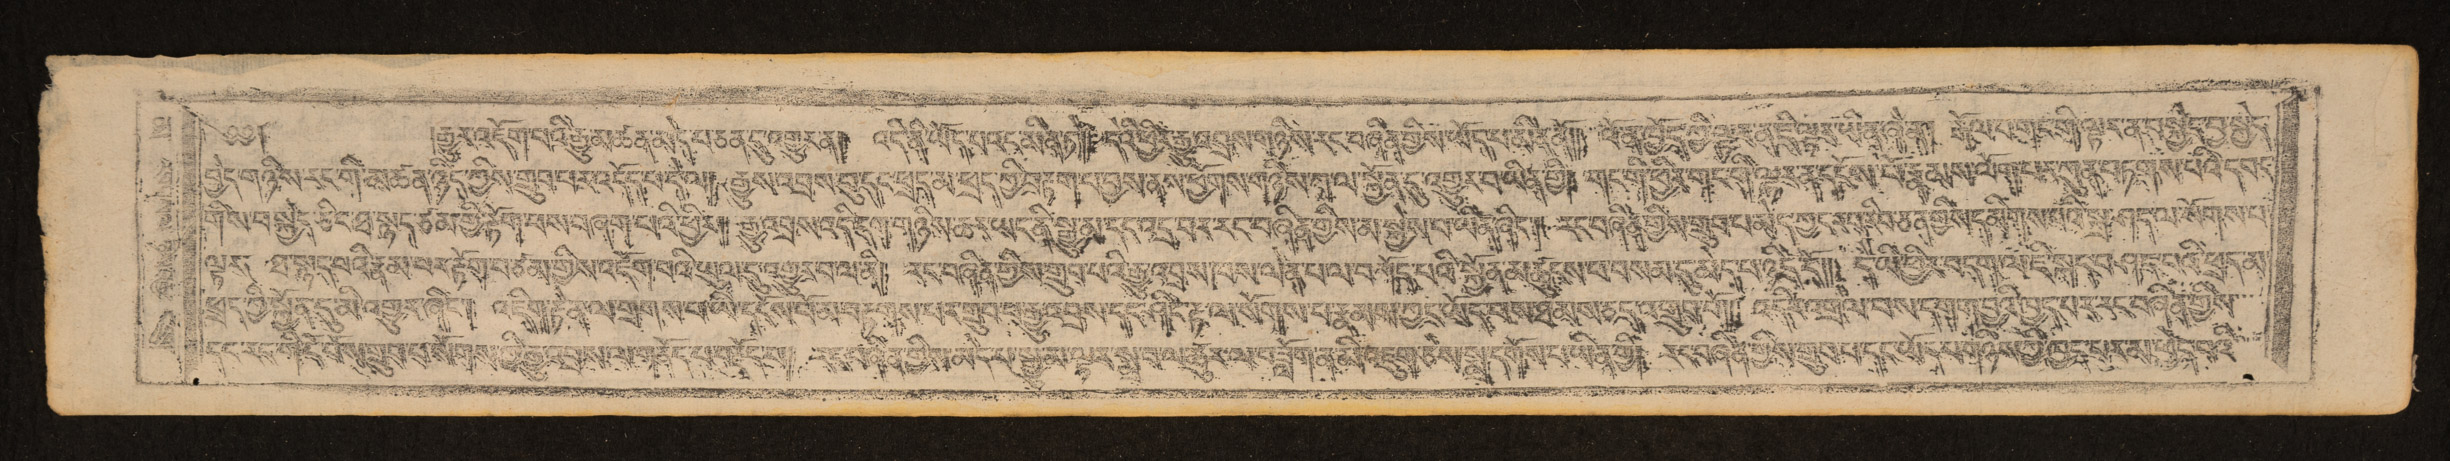༄༅། །རྒྱུར་འཇོག་པའི་རྒྱུ་མཚན་མེད་པ་ཅན་དུ་འགྱུར་ན། འདི་ནི་ཡོད་པའང་མིན་ཏེ། དེའི་ཕྱིར་རྒྱུ་འབྲས་གཉིས་རང་བཞིན་གྱིས་ཡོད་པ་མིན་ནོ།། འོ་ན་ཁྱོད་ཀྱི་ལྟར་ན་ཇི་ལྟར་ཡིན་ཞེ་ན། རྒོལ་བ་གང་གི་ལྟར་ན་བསྐྱེད་བྱ་སྐྱེད་
བྱེད་གཉིས་རང་གི་མཚན་ཉིད་ཀྱིས་གྲུབ་པར་འདོད་པ་དེ་ལ། རྒྱུས་འབྲས་བུ་དང་ཕྲད་མ་ཕྲད་ཀྱི་བརྟག་པ་བྱས་ནས་ཕྱོགས་གཉིས་ཀ་ལ་སྐྱོན་དུ་འགྱུར་བ་ཡིན་གྱི། གང་གི་ཕྱིར་གང་གི་ལྟར་ན་དངོས་པོ་རྣམས་ལོག་པར་ཀུན་བཏགས་པའི་དབང་
གིས་བསྐྱེད་ཅིང་ཐ་སྙད་ཙམ་གྱི་རྟོག་པས་བཞག་པའི་ཕྱིར། རྒྱུ་འབྲས་འདི་དག་གཉིས་ཆར་ཡང་ནི་སྒྱུ་མ་དང་འདྲ་བར་རང་བཞིན་གྱིས་མ་སྐྱེས་པ་ཡིན་ཞིང་། རང་བཞིན་གྱིས་གྲུབ་པ་མེད་ཀྱང་རབ་རིབ་ཅན་གྱིས་དམིགས་པའི་སྒྲས་ཤད་ལ་སོགས་པ་
ལྟར༑ ཐ་སྙད་པའི་རྣམ་པར་རྟོག་པ་ཙམ་གྱིས་འཇོག་པའི་ཡུལ་དུ་འགྱུར་བ་ལ་ནི། རང་བཞིན་གྱིས་གྲུབ་པའི་རྒྱུ་འབྲས་ཁས་ལེན་པ་ལ་བཀོད་པའི་སྐྱོན་མཚུངས་པ་བསམ་དུ་མེད་པ་ཉིད་དོ།། དེ་ཡི་ཕྱིར་བདག་ལ་ཇི་སྐད་བཤད་པའི་ཕྲད་མ་
ཕྲད་ཀྱི་སྐྱོན་དུ་མི་འགྱུར་ཞིང་། འཇིག་རྟེན་ལ་གྲགས་པ་ཡི་དངོས་པོ་མ་བརྟགས་པར་གྲུབ་པ་རྒྱུ་འབྲས་དང་ཤིང་རྟ་ལ་སོགས་པ་རྣམས་ཀྱང་ཡོད་པས་ཐམས་ཅད་འགྲུབ་བོ།། འདིར་འགྲེལ་པས་དགག་བྱའི་ཁྱད་པར་རང་བཞིན་གྱིས་
དང་རང་གི་ངོ་བོས་གྲུབ་པ་སོགས་ཀྱི་རྒྱུ་འབྲས་ལ་གནོད་པ་བརྗོད་པ། རང་བཞིན་གྱིས་མེད་པ་སྒྱུ་མ་ལྟར་སྨྲ་བ་ལ་ཚུར་ལ་བཟློག་ན་མི་འཇུག་ཅེས་སྨྲ་དགོས་པ་ཡིན་གྱི། རང་བཞིན་གྱིས་གྲུབ་པ་དང་ཡོད་པ་གཉིས་ཀྱི་ཁྱད་པར་མ་ཕྱེད་པའི་